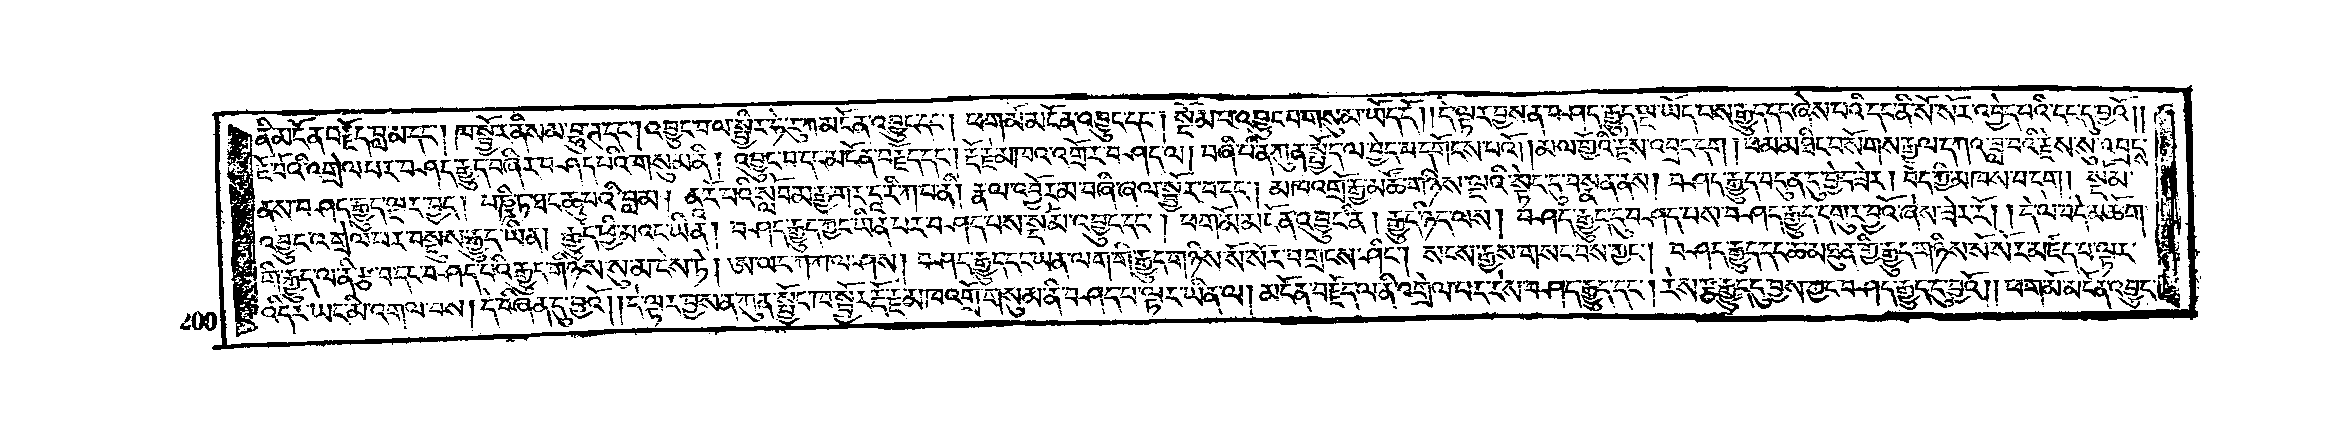ནི་མངོན་བརྗོད་བླ་མ་དང་། ཁ་སྦྱོར་ནི་སམ་བྷུ་ཊ་དང་། འབྱུང་བ་ལ་སྤྱིར་ཧེ་རུ་ཀ་མངོན་འབྱུང་དང་། ཕག་མོ་མངོན་འབྱུང་དང་། སྡོམ་པ་འབྱུང་བ་གསུམ་ཡོད་དོ། །དེ་ལྟར་བྱས་ན་བཤད་རྒྱུད་ལྔ་ཡོད་པས་རྒྱུད་དང་ཞེས་པའི་དང་ནི་སོ་སོར་འབྱེད་པའི་དང་དུ་བྱའོ། །
ཇོ་བོའི་འགྲེལ་པར་བཤད་རྒྱུད་བཞིར་བཤད་པའི་གསུམ་ནི། འབྱུང་བ་དང་མངོན་བརྗོད་དང་། རྡོ་རྗེ་མཁའ་འགྲོར་བཤད་ལ། བཞི་པ་ནི་ཀུན་སྤྱོད་ལ་བྱེད་པ་དགོངས་པའོ། །མལ་གྱོའི་རྗེས་འབྲང་དག །ཕམ་མཐིང་པ་སོགས་རྒྱལ་དཀའ་ཟླ་བའི་རྗེས་སུ་འབྲངས་
ནས་བཤད་རྒྱུད་ལྔར་བྱད། པཎྜི་ཏ་ཐང་ཆུ་པའི་བླ་མ། ནཱ་རོ་པའི་སློབ་མ་རྒྱ་གར་དཱ་རི་ཀ་པ་ནི། རྣལ་འབྱོར་མ་བཞི་ཞལ་སྦྱོར་བ་དང་། མཁའ་འགྲོ་རྒྱ་མཚོ་གཉིས་ལྔའི་སྟེང་དུ་བསྣན་ནས། བཤད་རྒྱུད་བདུན་དུ་བྱེད་ཟེར། བོད་ཀྱི་མཁས་པ་དག །སྡོམ་
འབྱུང་འགྲེལ་པར་བསྡུས་རྒྱུད་ཡིན། རྒྱུད་ཕྱི་མའང་ཡིན། བཤད་རྒྱུད་ཀྱང་ཡིན་པར་བཤད་པས་སྡོམ་འབྱུང་དང་། ཕག་མོ་མངོན་འབྱུང་ནི། རྒྱུད་ཉིད་ལས། བཤད་རྒྱུད་དུ་བཤད་པས་བཤད་རྒྱུད་དགུར་བྱའོ་ཞེས་ཟེར་རོ། །དེ་ལ་བདེ་མཆོག་
གི་རྒྱུད་ལ་ནི་རྩ་བ་དང་བཤད་པའི་རྒྱུད་གཉིས་སུ་མ་ངེས་ཏེ། ཨ་ལང་ཀ་ཀ་ལ་ཤས། བཤད་རྒྱུད་དང་ཡན་ལག་གི་རྒྱུད་གཉིས་སོ་སོར་བགྲངས་ཤིང་། སངས་རྒྱས་གསང་བས་ཀྱང་། བཤད་རྒྱུད་དང་ཆ་མཐུན་གྱི་རྒྱུད་གཉིས་སོ་སོར་མཛད་པ་ལྟར་
འདིར་ཡང་མ་འགལ་བས། དེ་བཞིན་དུ་བྱའོ། །དེ་ལྟར་བྱས་ན་ཀུན་སྤྱོད་ཁ་སྦྱོར་རྡོ་རྗེ་མཁའ་འགྲོ་གསུམ་ནི་བཤད་པ་ལྟར་ཡིན་ལ། མངོན་བརྗོད་ལ་ནི་འགྲེལ་པར་རེས་བཤད་རྒྱུད་དང་། རེས་རྩ་རྒྱུད་དུ་བྱས་ཀྱང་བཤད་རྒྱུད་དུ་བྱའོ། །ཕག་མོ་མངོན་འབྱུང་